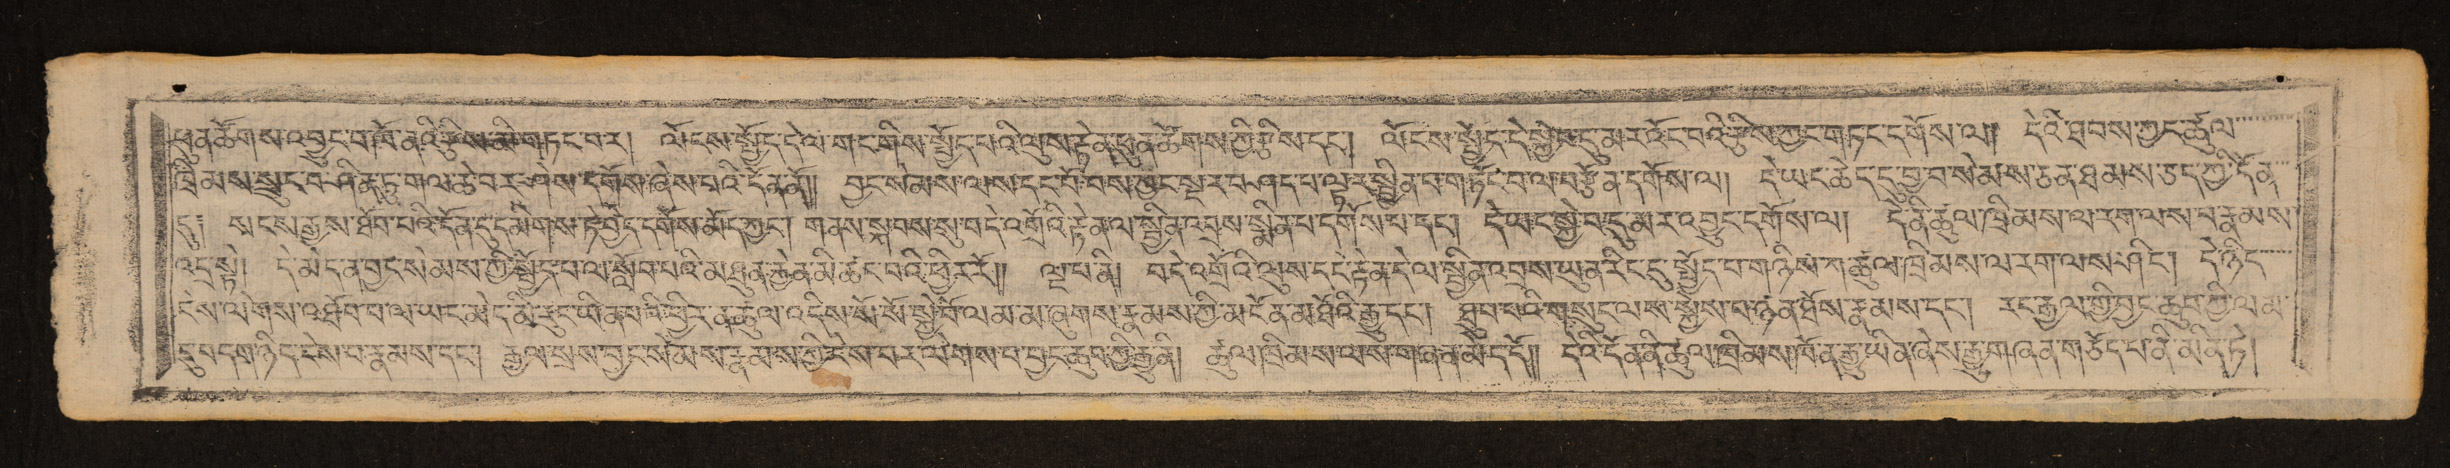ཕུན་ཚོགས་འབྱུང་བ་ཁོ་ནའི་རྩིས་མི་གཏང་བར། ལོངས་སྤྱོད་དེ་ལ་གང་གིས་སྤྱོད་པའི་ལུས་རྟེན་ཕུན་ཚོགས་ཀྱི་རྩིས་དང་། ལོངས་སྤྱོད་དེ་སྐྱེ་བ་དུ་མར་འོང་བའི་རྩིས་ཀྱང་གཏང་དགོས་ལ། དེའི་ཐབས་ཀྱང་ཚུལ་
ཁྲིམས་སྲུང་བ་ཤིན་ཏུ་གལ་ཆེ་བར་ཤེས་དགོས་ཞེས་པའི་དོན་ནོ།། བྱང་སེམས་ལས་དང་པོ་པས་ཀྱང་སྔར་བཤད་པ་ལྟར་སྦྱིན་པ་གཏོང་བ་ལ་བརྩོན་དགོས་ལ། དེ་ཡང་ཆེད་དུ་བྱ་བ་སེམས་ཅན་ཐམས་ཅད་ཀྱི་དོན་
དུ༑ སངས་རྒྱས་ཐོབ་པའི་དོན་དུ་དམིགས་ཏེ་བྱེད་དགོས་མོད་ཀྱང་། གནས་སྐབས་སུ་བདེ་འགྲོའི་རྟེན་ལ་སྦྱིན་འབྲས་སྨིན་པ་དགོས་པ་དང་། དེ་ཡང་སྐྱེ་བ་དུ་མར་འབྱུང་དགོས་ལ། དེ་ནི་ཚུལ་ཁྲིམས་ལ་རག་ལས་པ་རྣམས་
འདྲ་སྟེ། དེ་མེད་ན་བྱང་སེམས་ཀྱི་སྤྱོད་པ་ལ་སློབ་པའི་མཐུན་རྐྱེན་མི་ཚང་བའི་ཕྱིར་རོ།། ལྔ་པ་ནི། བདེ་འགྲོའི་ལུས་དང་རྟེན་དེ་ལ་སྦྱིན་འབྲས་ཡུན་རིང་དུ་སྤྱོད་པ་གཉིས་ཀ་ཚུལ་ཁྲིམས་ལ་རག་ལས་ཤིང་། དེ་ཉིད་
ངེས་ལེགས་འཐོབ་པ་ལ་ཡང་མེད་མི་རུང་ཡིན་པའི་ཕྱིར་ན་ཚུལ་འདིས་སོ་སོ་སྐྱེ་བོ་ལམ་མ་ཞུགས་རྣམས་ཀྱི་མངོན་མཐོའི་རྒྱུ་དང་། ཐུབ་པའི་གསུང་ལས་སྐྱེས་པ་ཉན་ཐོས་རྣམས་དང་། རང་རྒྱལ་གྱི་བྱང་ཆུབ་ཀྱི་ལམ་
དུ་བདག་ཉིད་ངེས་པ་རྣམས་དང་། རྒྱལ་སྲས་བྱང་སེམས་རྣམས་ཀྱི་ངེས་པར་ལེགས་པ་བྱང་ཆུབ་ཀྱི་རྒྱུ་ནི། ཚུལ་ཁྲིམས་ལས་གཞན་མེད་དོ།། དེའི་དོན་ནི་ཚུལ་ཁྲིམས་ཁོ་ན་རྒྱུ་ཡིན་ཞེས་རྒྱུ་གཞན་གཅོད་པ་ནི་མིན་ཏེ།